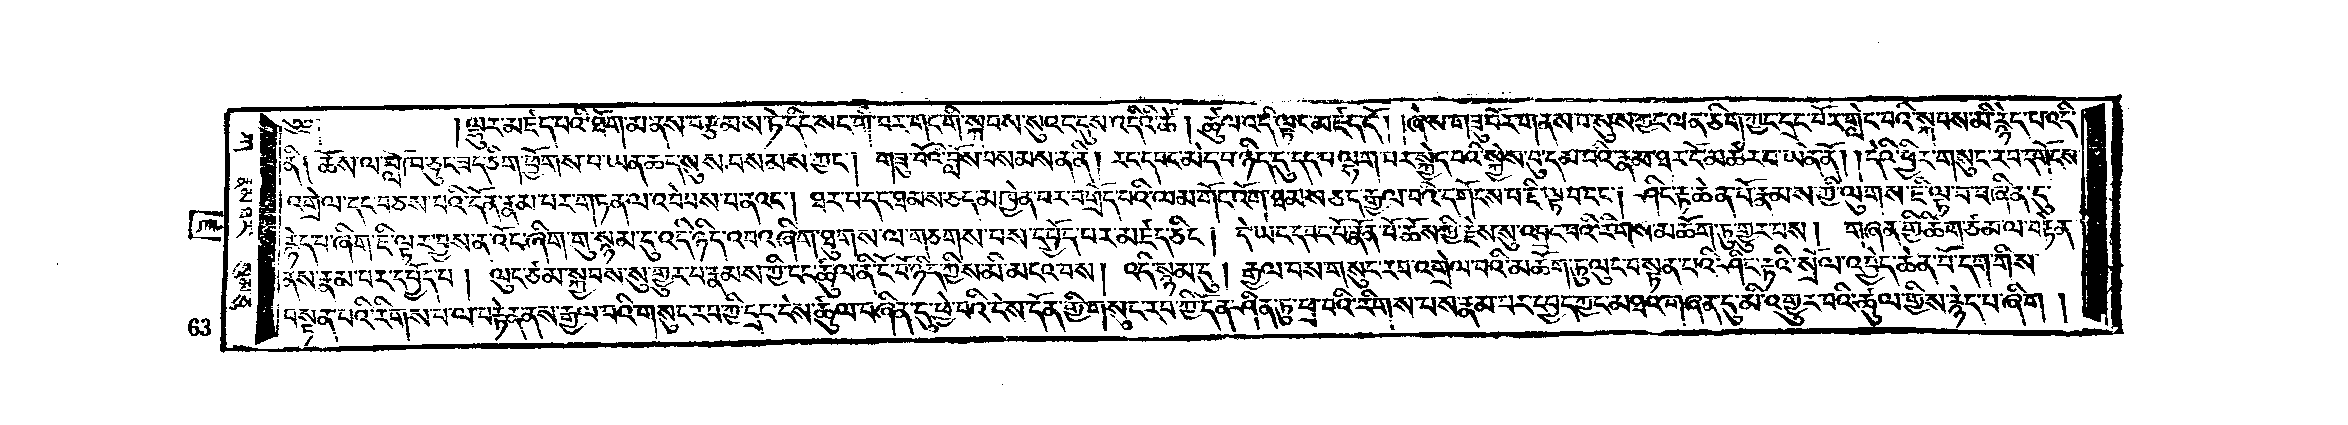༄༅། །ལྷུར་མཛད་པའི་ཐོག་མ་ནས་བརྩམས་ཏེ་དིང་སང་གི་བར་གང་གི་སྐབས་སུའང་དུས་འདིའི་ཚེ། ཚུལ་འདི་ལྟར་མཛད་དོ། །ཞེས་གཟུ་བོར་གནས་པ་སུས་ཀྱང་ལན་ཅིག་ཀྱང་དྲང་པོར་གླེང་བའི་སྐབས་མི་རྙེད་པ་འདི་
ནི། ཆོས་ལ་བློ་ཁ་ཅུང་ཟད་ཅིག་ཕྱོགས་པ་ཡན་ཆད་སུས་བསམས་ཀྱང་། གཟུ་བོའི་བློས་བསམས་ན་ནི། རང་དབང་མེད་པ་ཉིད་དུ་དད་པ་ལྷག་པར་སྐྱེད་པའི་སྐྱེས་བུ་དམ་པའི་རྣམ་ཐར་ངོ་མཚར་བ་ཡིན་ནོ། །དེའི་ཕྱིར་གསུང་རབ་དགོངས་
འགྲེལ་དང་བཅས་པའི་དོན་རྣམ་པར་གཏན་ལ་འབེབས་པ་ནའང་། ཐར་པ་དང་ཐམས་ཅད་མཁྱེན་པར་བགྲོད་པའི་ལམ་གོང་འོག་ཐམས་ཅད་རྒྱལ་བའི་དགོངས་པ་ཇི་ལྟ་བ་དང་། ཤིང་རྟ་ཆེན་པོ་རྣམས་ཀྱི་ལུགས་ཇི་ལྟ་བ་བཞིན་དུ་
རྙེད་པ་ཞིག་ཇི་ལྟར་བྱས་ན་འོང་ཞིག་གུ་སྙམ་དུ་འདི་ཉིད་འབའ་ཞིག་ཐུགས་ལ་གཅགས་པས་དཔྱོད་པར་མཛད་ཅིང་། དེ་ཡང་དབང་པོ་རྣོན་པོ་ཆོས་ཀྱི་རྗེས་སུ་འབྲང་བའི་རིགས་མཆོག་ཏུ་གྱུར་པས། གཞན་གྱི་ཚིག་ཙམ་ལ་བརྟེན་
ནས་རྣམ་པར་དཔྱོད་པ། ལུང་ཙམ་སྐྱབས་སུ་གྱུར་པ་རྣམས་ཀྱི་ངང་ཚུལ་ནི་ངོ་བོ་ཉིད་ཀྱིས་མི་མངའ་བས། འདི་སྙམ་དུ། རྒྱལ་བས་གསུང་རབ་འགྲེལ་བའི་མཆོག་ཏུ་ལུང་བསྟན་པའི་ཤིང་རྟའི་སྲོལ་འབྱེད་ཆེན་པོ་དག་གིས་
བསྟན་པའི་རིགས་པ་ལ་བརྟེན་ནས་རྒྱལ་བའི་གསུང་རབ་ཀྱི་དྲང་ངེས་ཚུལ་བཞིན་དུ་ཕྱེ་བའི་ངེས་དོན་གྱི་གསུང་རབ་ཀྱི་དོན་ཤིན་ཏུ་ཕྲ་བའི་རིགས་པས་རྣམ་པར་དཔྱད་ཀྱང་མཐའ་གཞན་དུ་མི་འགྱུར་བའི་ཚུལ་གྱིས་རྙེད་པ་ཞིག །